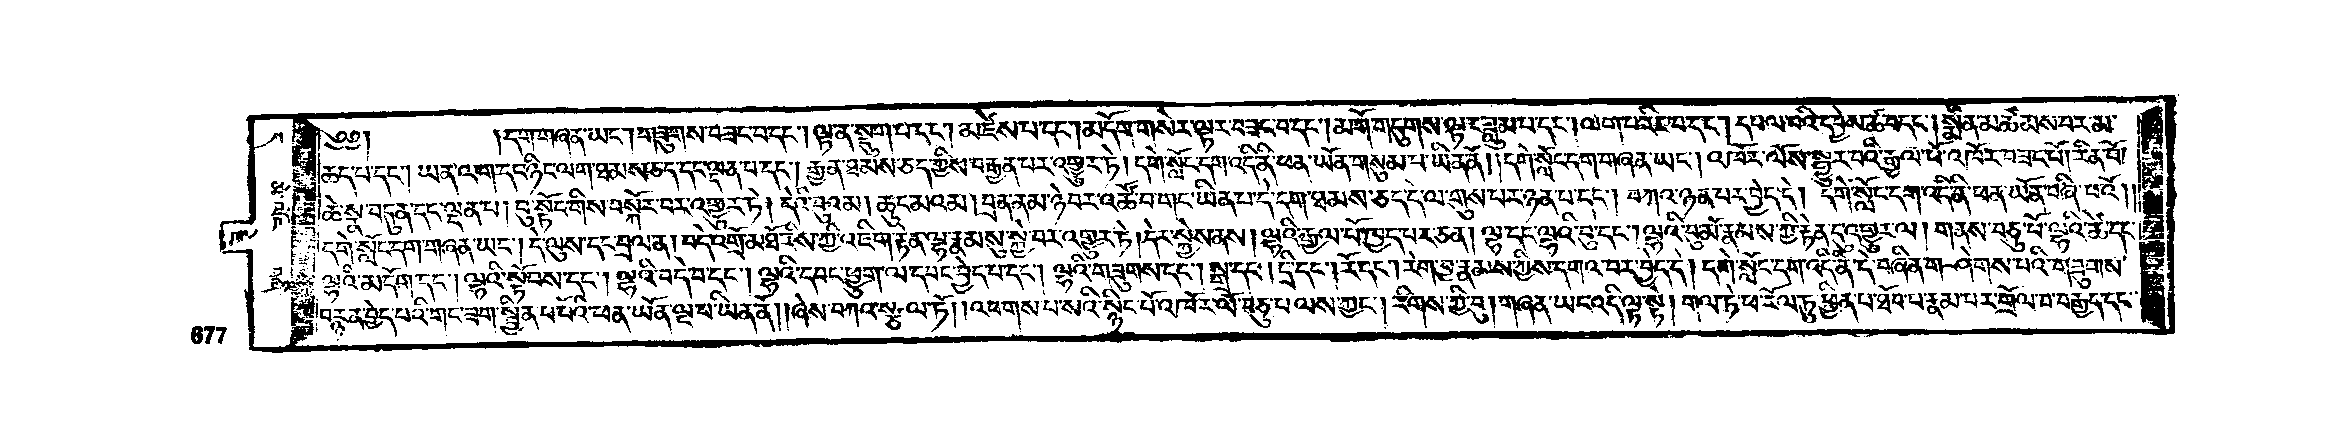༄༅། །དག་གཞན་ཡང་། གཟུགས་བཟང་བ་དང་། ལྟ་ན་སྡུག་པ་དང་། མཛེས་པ་དང་། མདོག་གསེར་ལྟར་བཟང་བ་དང་། མགོ་གདུགས་ལྟར་བཟླུམ་པ་དང་། ལག་པ་རིང་བ་དང་། དཔལ་བའི་དབྱེས་ཚ་བ་དང་། སྨིན་མཚམས་བར་མ་
ཆད་པ་དང་། ཡན་ལག་དང་ཉིད་ལག་ཐམས་ཅད་དང་ལྡན་པ་དང་། རྒྱན་ཐམས་ཅད་ཀྱིས་བརྒྱན་པར་འགྱུར་ཏེ། དགེ་སློང་དག་འདི་ནི་ཕན་ཡོན་གསུམ་པ་ཡིན་ནོ། །དགེ་སློང་དག་གཞན་ཡང་། འཁོར་ལོས་སྒྱུར་བའི་རྒྱལ་པོ་འཁོར་བཟང་པོ། རིན་པོ་
ཆེ་སྣ་བདུན་དང་ལྡན་པ། བུ་སྟོང་གིས་བསྐོར་བར་འགྱུར་ཏེ། དེའི་བུའམ། ཆུང་མའམ། བྲན་ནམ་ཉེ་བར་འཚོ་བ་གང་ཡིན་པ་དེ་དག་ཐམས་ཅད་དེ་ལ་གུས་པར་ཉན་པ་དང་། བཀའ་ཉན་པར་བྱེད་དེ། དགེ་སློང་དག་འདི་ནི་ཕན་ཡོན་བཞི་པའོ།།
དགེ་སློང་དག་གཞན་ཡང་། དེ་ལུས་དང་བྲལ་ན། བདེ་འགྲོ་མཐོ་རིས་ཀྱི་འཇིག་རྟེན་ལྷ་རྣམས་སུ་སྐྱེ་བར་འགྱུར་ཏེ། དེར་སྐྱེས་ནས། ལྷའི་རྒྱལ་པོ་ཁྱད་པར་ཅན། ལྷ་དང་ལྷའི་བུ་དང་། ལྷའི་བུ་མོ་རྣམས་ཀྱི་རྟེན་དུ་འགྱུར་ལ། གནས་བཅུ་པོ་ལྷའི་ཚེ་དང་
ལྷའི་མདོག་དང་། ལྷའི་སྟོབས་དང་། ལྷའི་བདེ་བ་དང་། ལྷའི་དབང་ཕྱུག་ལ་དབང་བྱེད་པ་དང་། ལྷའི་གཟུགས་དང་། སྒྲ་དང་། དྲི་དང་། རོ་དང་། རེག་བྱ་རྣམས་ཀྱིས་དགའ་བར་བྱེད་དེ། དགེ་སློང་དག་འདི་ནི་དེ་བཞིན་གཤེགས་པའི་གཟུགས་
བརྙན་བྱེད་པའི་གང་ཟག་སྦྱིན་པ་པོའི་ཕན་ཡོན་ལྔ་པ་ཡིན་ནོ། །ཞེས་བཀའ་སྩལ་ཏོ། །འཕགས་པ་སའི་སྙིང་པོ་འཁོར་ལོ་བཅུ་པ་ལས་ཀྱང་། རིགས་ཀྱི་བུ། གཞན་ཡང་འདི་ལྟ་སྟེ། གལ་ཏེ་ཕ་རོལ་ཏུ་ཕྱིན་པ་ཐོབ་པ་རྣམ་པར་གྲོལ་བ་བརྒྱད་དང་